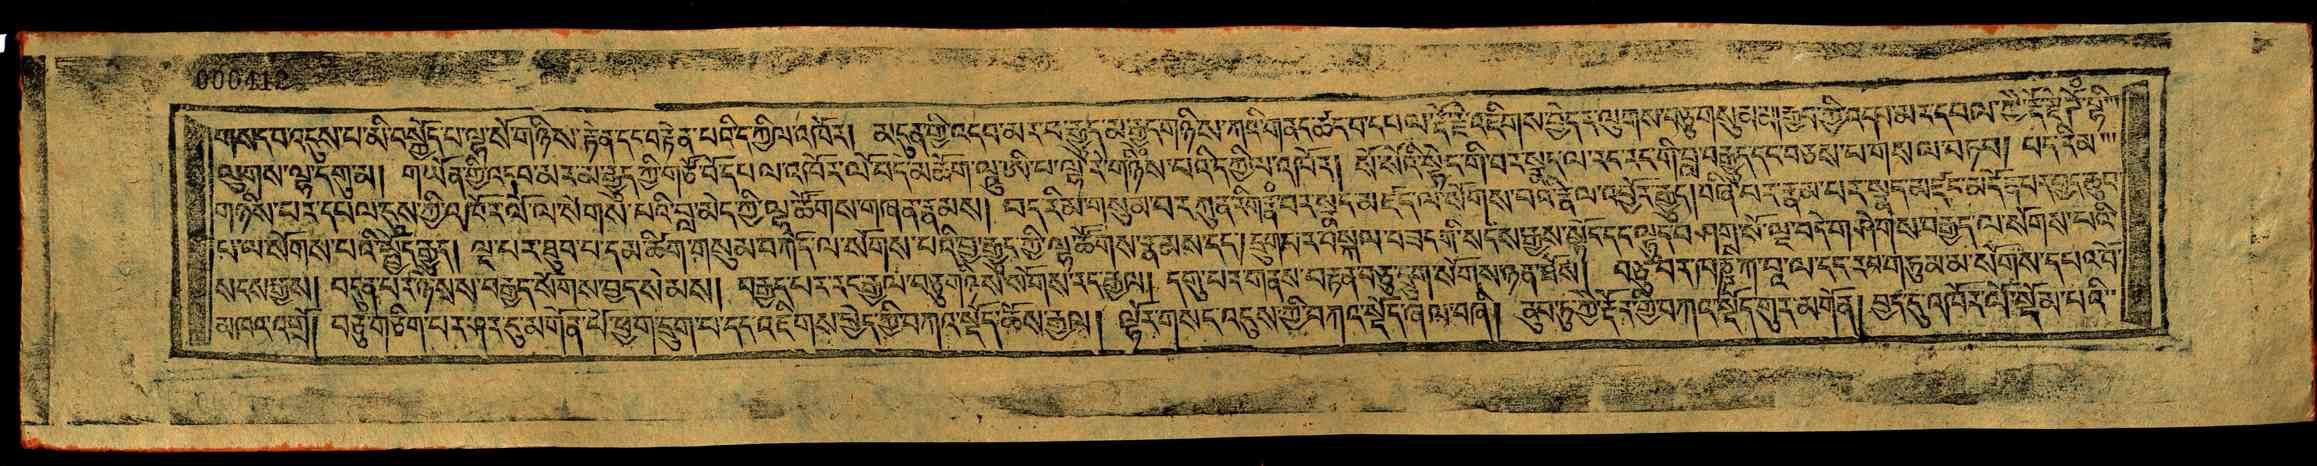གསང་བ་འདུས་པ་མི་བསྐྱོད་པ་ལྷ་སོ་གཉིས་རྟེན་དང་བརྟེན་པའི་དཀྱིལ་འཁོར། མདུན་གྱི་འདབ་མར་ཕ་རྒྱུད་མ་རྒྱུད་གཉིས་ཀའི་གནད་ཚད་པ་དཔལ་རྡོ་རྗེ་འཇིགས་བྱེད་ར་ལུགས་བཅུ་གསུམ་མ། རྒྱབ་ཀྱི་འདབ་མར་དཔལ་ཀྱཻ་རྡོ་རྗེ་ཌོཾ་བྷི་
ལུགས་ལྷ་དགུ་མ། གཡོན་གྱི་འདབ་མར་མ་རྒྱུད་ཀྱི་གཙོ་བོ་དཔལ་འཁོར་ལོ་བདེ་མཆོག་ལཱུ་ཨི་པ་ལྷ་རེ་གཉིས་པའི་དཀྱིལ་འཁོར། སོ་སོའི་སྟེང་གི་བར་སྣང་ལ་རང་རང་གི་བླ་བརྒྱུད་དང་བཅས་པ་གསལ་བཏབ། པད་རིམ་
གཉིས་པར་དཔལ་དུས་ཀྱི་འཁོར་ལོ་ལ་སོགས་པའི་བླ་མེད་ཀྱི་ལྷ་ཚོགས་གཞན་རྣམས། པད་རིམ་གསུམ་པར་ཀུན་རིག་རྣཾ་པར་སྣང་མཛད་ལ་སོགས་པའི་རྣལ་འབྱོར་རྒྱུད། བཞི་པར་རྣམ་པར་སྣང་མཛད་མངོན་པར་བྱང་ཆུབ་
པ་ལ་སོགས་པའི་སྤྱོད་རྒྱུད། ལྔ་པར་ཐུབ་པ་དམ་ཚིག་གསུམ་བཀོད་ལ་སོགས་པའི་བྱ་རྒྱུད་ཀྱི་ལྷ་ཚོགས་རྣམས་དང་། དྲུག་པར་བསྐལ་བཟང་གི་སངས་རྒྱས་སྟོང་དང་ལྟུང་བཤགས་སོ་ལྔ་བདེ་གཤེགས་བརྒྱད་ལ་སོགས་པའི་
སངས་རྒྱས། བདུན་པར་ཉེ་སྲས་བརྒྱད་སོགས་བྱང་སེམས། བརྒྱད་པར་རང་རྒྱལ་བཅུ་གཉིས་སོགས་རང་རྒྱལ། དགུ་པར་གནས་བརྟན་བཅུ་དྲུག་སོགས་ཉན་ཐོས། བཅུ་པར་ཁཎྜཀ་པཱ་ལ་དང་རབ་གཏུམ་མ་སོགས་དཔའ་བོ་
མཁའ་འགྲོ། བཅུ་གཅིག་པར་ཤར་དུ་མགོན་པོ་ཕྱག་དྲུག་པ་དང་འཇིགས་བྱེད་ཀྱི་བཀའ་སྡོད་ཆོས་རྒྱལ། ལྷོར་གསང་འདུས་ཀྱི་བཀའ་སྡོད་ཞལ་བཞི། ནུབ་ཏུ་ཀྱཻ་རྡོར་གྱི་བཀའ་སྡོད་གུར་མགོན། བྱང་དུ་འཁོར་ལོ་སྡོམ་པའི་